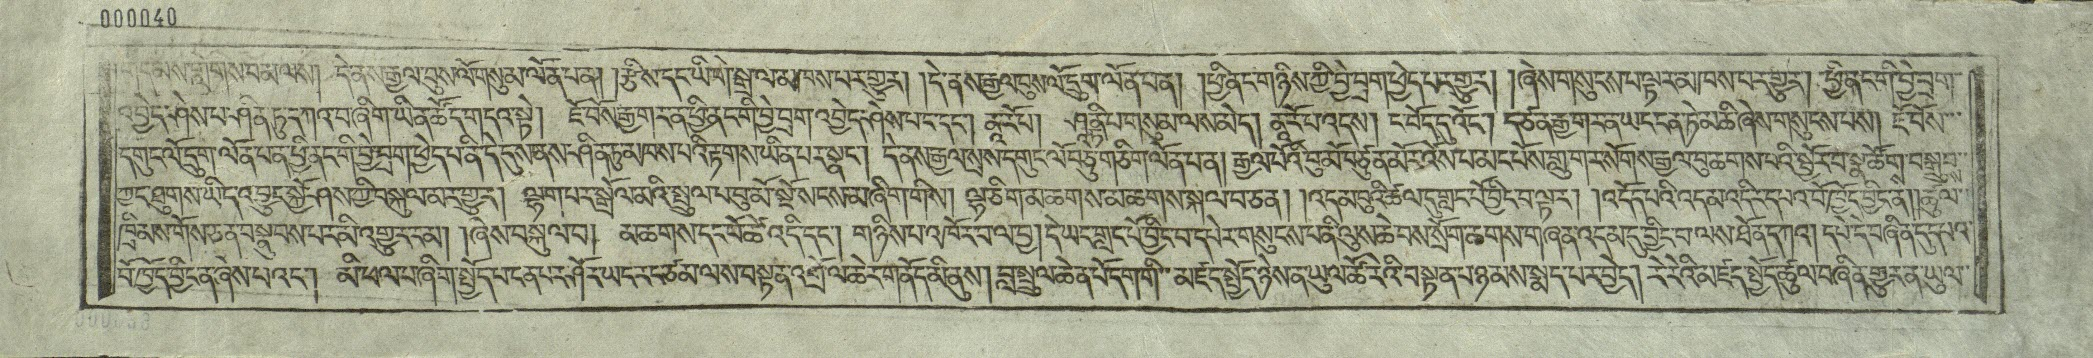གདམས་?་གླེགས་བམ་ལས། དེ་ནས་རྒྱལ་བུས་ལོ་གསུམ་ལོན་པ་ན། །རྩིས་དང་ཡི་གེ་སྒྲ་ལ་མཁས་པར་གྱུར། །དེ་ནས་རྒྱལ་བུས་ལོ་དྲུག་ལོན་པ་ན། །ཕྱི་ནང་གཉིས་ཀྱི་བྱེ་བྲག་ཕྱེད་པར་གྱུར། །ཞེས་གསུངས་པ་ལྟར་མཁས་པར་གྱུར། ཕྱི་ནང་གི་བྱེ་བྲག་
འབྱེད་ཤེས་པ་ཤིན་ཏུ་དཀའ་བ་ཞིག་ཡིན་ཚོད་གདའ་སྟེ། ཇོ་བོས་རྒྱ་གར་ན་ཕྱི་ནང་གི་བྱེ་བྲག་འབྱེད་ཤེས་པ་ང་དང་། ནཱ་རོ་པ། ཤཱནྟི་པ་གསུམ་ལས་མེད། ནཱ་རོ་པ་འདས། ང་བོད་དུ་འོང་། ད་ཙ་ན་རྒྱ་གར་ན་ཡང་ངན་ཏེ་མཆི་ཞེས་གསུངས་པས། ཇོ་བོས་
དགུང་ལོ་དྲུག་ལོན་པ་ན་ཕྱི་ནང་གི་བྱེ་བྲག་ཕྱེད་པ་ནི་དེ་དུས་ནས་ཤིན་ཏུ་མཁས་པའི་རྟགས་ཡིན་པར་སྣང་། དེ་ནས་རྒྱལ་སྲས་དགུང་ལོ་བཅུ་གཅིག་ལོན་པ་ན། རྒྱལ་པོའི་བུ་མོ་བཙུན་མོར་འོས་པ་མང་པོས་གླུ་གར་སོགས་རྒྱལ་བུ་ཆགས་པའི་སྦྱོར་བ་སྣ་ཚོགས་བསྒྲུབས་
ཀྱང་ཐུགས་ཡིད་འབྱུང་སྐྱོ་ཤས་ཀྱི་བསྐུལ་མར་གྱུར། ལྷག་པར་སྒྲོལ་མའི་སྤྲུལ་པ་བུ་མོ་སྔོ་སངས་མ་ཞིག་གིས། ལྷ་ཅིག་མ་ཆགས་མ་ཆགས་སྐལ་བ་ཅན། །འདམ་བུའི་ཚལ་དུ་གླང་པོ་བྱིང་བ་ལྟར། །འདོད་པའི་འདམ་འདིར་དཔའ་བོ་ཁྱོད་བྱིང་ན། །ཚུལ་
ཁྲིམས་གོས་ཅན་བསྣུབས་པར་མི་འགྱུར་རམ། །ཞེས་བསྐུལ་བ། མ་ཆགས་དང་པོ་ཚེ་འདི་དང་། གཉིས་པ་འཁོར་བ་ལ་བྱ། དེ་ཡང་གླང་པོ་བྱིང་བ་དཔེར་གསུངས་པ་ནི་ལུས་ཆེ་བས་སྲོག་ཆགས་གཞན་འདམ་དུ་བྱིང་བ་ལས་ཐོན་དཀའ། དཔེ་དེ་བཞིན་དུ་དཔའ་
བོ་ཁྱོད་བྱིང་ན་ཞེས་པའང་། མི་ཕལ་པ་ཞིག་སྤྱོད་པ་ངན་པར་ཤོར་ཡང་རང་ཙམ་ལས་བསྟན་འགྲོ་ལ་ཆེར་གནོད་མི་ནུས། བླ་སྤྲུལ་ཆེན་པོ་དག་གི་མཛད་སྤྱོད་ཉེས་ན་ཡུལ་ཚོ་རེའི་བསྟན་པ་ཉམས་སྨད་པར་བྱེད། རེ་རེའི་མཛད་སྤྱོད་ཚུལ་བཞིན་གྱུར་ན་ཡུལ་